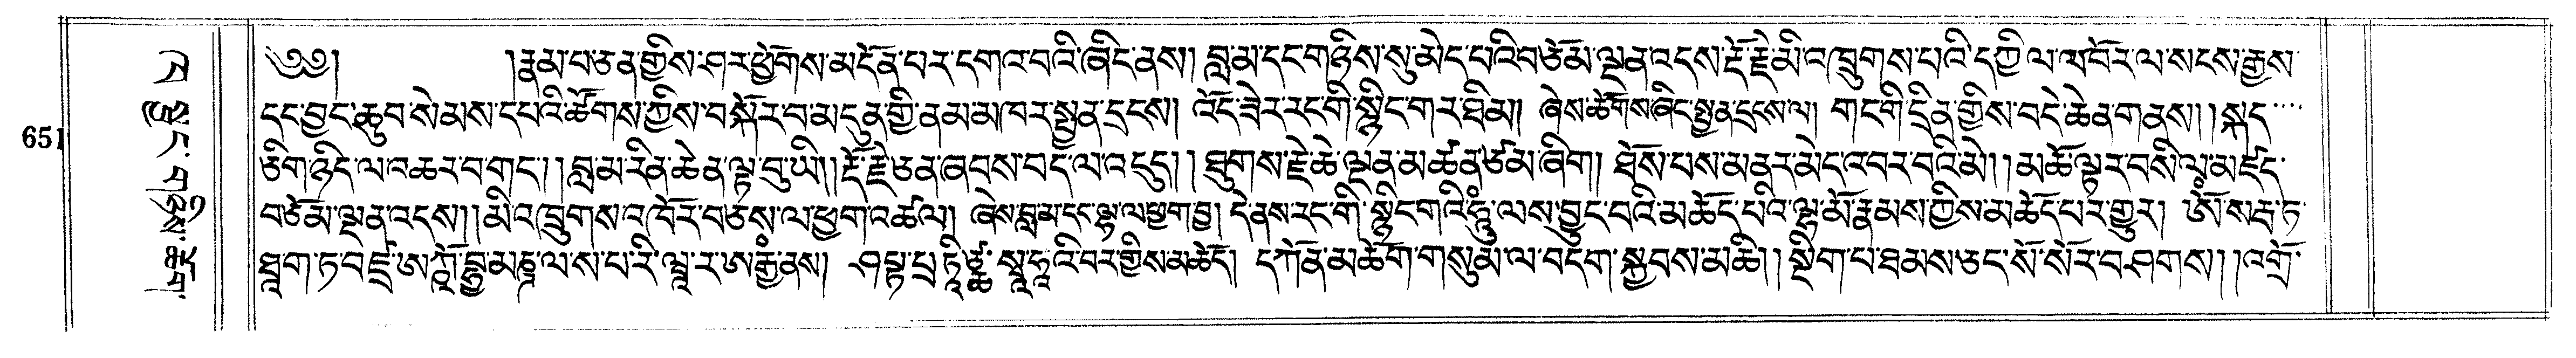༄༅། །རྣམ་པ་ཅན་གྱིས་ཤར་ཕྱོགས་མངོན་པར་དགའ་བའི་ཞིང་ནས། བླ་མ་དང་གཉིས་སུ་མེད་པའི་བཅོམ་ལྡན་འདས་རྡོ་རྗེ་མི་འཁྲུགས་པའི་དཀྱིལ་འཁོར་ལ་སངས་རྒྱས་
དང་བྱང་ཆུབ་སེམས་དཔའི་ཚོགས་ཀྱིས་བསྐོར་བ་མདུན་གྱི་ནམ་མཁར་སྤྱན་དྲངས། འོད་ཟེར་རང་གི་སྙིང་གར་ཐིམ། ཞེས་ཚོགས་ཞིང་སྤྱན་དྲངས་ལ།  གང་གི་དྲིན་གྱིས་བདེ་ཆེན་གནས། །སྐད་
ཅིག་ཉིད་ལ་འཆར་བ་གང་། །བླ་མ་རིན་ཆེན་ལྟ་བུ་ཡི། །རྡོ་རྗེ་ཅན་ཞབས་བད་ལ་འདུད། །ཐུགས་རྗེ་ཆེ་ལྡན་མཚན་ཙམ་ཞིག། ཐོས་པས་མནར་མེད་འབར་བའི་མེ། །མཆོ་ལྟར་བསིལ་མཛད་
བཅོམ་ལྡན་འདས། །མི་འཁྲུགས་འཁོར་བཅས་ལ་ཕྱག་འཚལ། ཞེས་བླ་མ་དང་ལྷ་ལ་ཕྱག་བྱ།  དེ་ནས་རང་གི་སྙིང་གའི་ཧཱུཾ་ལས་བྱུང་བའི་མཆོད་པའི་ལྷ་མོ་རྣམས་ཀྱིས་མཆོད་པར་གྱུར། ཨོཾ་སརྦ་ཏ་
ཐཱ་ག་ཏ་བཛྲ་ཨཀྵོ་བྷྱ་མཎྜ་ལ་ས་པ་རི་ཝཱ་ར་ཨརྒྱཾ་ནས། ཤཔྟ་པྲ་ཏཱི་ཙྖ་སྭཱ་ཧཱའི་བར་གྱིས་མཆོད། དཀོན་མཆོག་གསུམ་ལ་བདག་སྐྱབས་མཆི། །སྡིག་པ་ཐམས་ཅད་སོ་སོར་བཤགས། །འགྲོ་